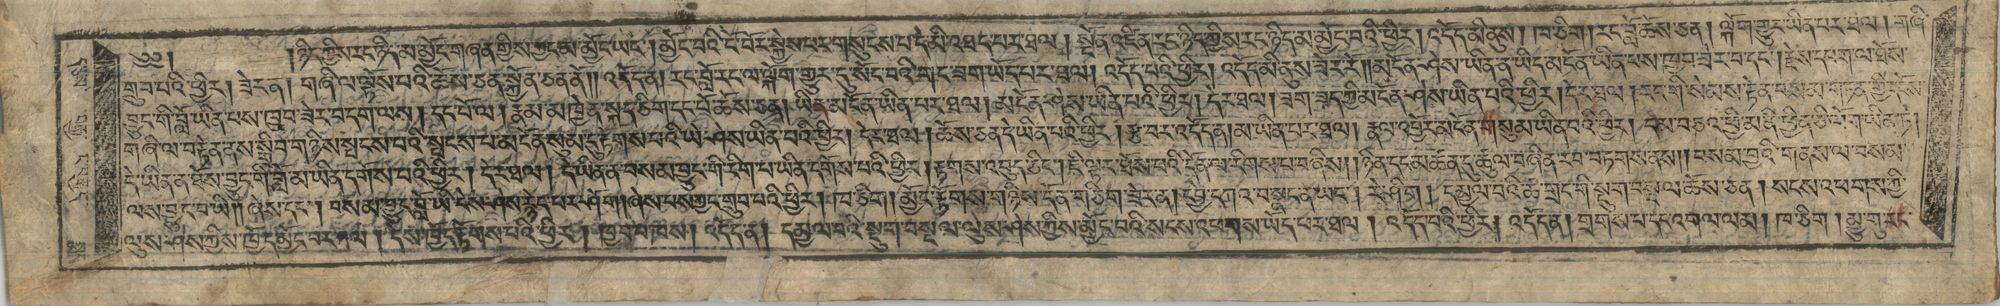༄༅། །ཉིད་ཀྱིས་རང་ཉིད་མ་མྱོང་གཞན་གྱིས་ཀྱང་མ་མྱོང་ཡང་། མྱོང་བའི་ངོ་བོར་སྐྱེས་པར་གསུངས་པ་དེ་མི་འཐད་པར་ཐལ། སྔོན་འཛིན་རང་ཉིད་ཀྱིས་རང་ཉིད་མ་མྱོང་བའི་ཕྱིར། འདོད་མི་ནུས། ཁ་ཅིག །རང་བློ་ཆོས་ཅན། ལྐོག་གྱུར་ཡིན་པར་ཐལ། གཞི་
གྲུབ་པའི་ཕྱིར། ཟེར་ན། གཞི་ལ་ལྟོས་པའི་ཆོས་ཅན་སྐྱོན་ཅན་ནོ། །འདོད་ན། རང་བློ་རང་ལ་ལྐོག་གྱུར་དུ་སོང་བའི་གང་ཟག་ཡོད་པར་ཐལ། འདོད་པའི་ཕྱིར། འདོད་མི་ནུས་ཟེར་རོ། །མངོན་ཤེས་ཡིན་ན་ཡིད་མངོན་ཡིན་པས་ཁྱབ་ཟེར་བ་དང་། རྗེས་དཔག་ལ་ཐོས་
བྱུང་གི་བློ་ཡིན་པས་ཁྱབ་ཟེར་བ་དག་ལས། དང་པོ་ལ། རྣམ་མཁྱེན་སྐད་ཅིག་དང་པོ་ཆོས་ཅན། ཡིད་མངོན་ཡིན་པར་ཐལ། མངོན་ཤེས་ཡིན་པའི་ཕྱིར། དེར་ཐལ། ཟག་ཟད་ཀྱི་མངོན་ཤེས་ཡིན་པའི་ཕྱིར། དེར་ཐལ། རང་གི་སེམས་རྟེན་བསམ་གཏན་གྱི་དངོས་
གཞི་ལ་བརྟེན་ནས་སྒྲིབ་གཉིས་སྤངས་པའི་སྤངས་པ་མངོན་སུམ་དུ་རྟོགས་པའི་ཡེ་ཤེས་ཡིན་པའི་ཕྱིར། དེར་ཐལ། ཆོས་ཅན་དེ་ཡིན་པའི་ཕྱིར། རྩ་བར་འདོད་ན། མ་ཡིན་པར་ཐལ། རྣལ་འབྱོར་མངོན་སུམ་ཡིན་པའི་ཕྱིར། དམ་བཅའ་ཕྱི་མ་ནི་ཕྱིན་ཅི་ལོག་ཡིན་ཏེ།
དེ་ཡིན་ན་ཐོས་བྱུང་གི་བློ་མ་ཡིན་དགོས་པའི་ཕྱིར། དེར་ཐལ། དེ་ཡིན་ན་བསམ་བྱུང་གི་རིག་པ་ཡིན་དགོས་པའི་ཕྱིར། རྟགས་འབུད་ཅིང་། ཇི་ལྟར་ཐོས་པའི་དོན་ལ་རིགས་པ་བཞིས། །ཉིན་དང་མཚན་དུ་ཚུལ་བཞིན་རབ་བཏགས་ནས། །བསམ་བྱའི་གནས་ལ་བསམ་
ལས་བྱུང་བ་ཡིན། །ཞེས་དང་། བསམ་བྱུང་བློ་ཡི་ངེས་ཤེས་རྙེད་པར་ཤོག །ཞེས་པས་ཀྱང་གྲུབ་པའི་ཕྱིར། ཁ་ཅིག །མྱོང་རྟོགས་གཉིས་དོན་གཅིག་ཟེར་ན། དབྱེ་དཀའ་བ་སྣང་ན་ཡང་། རེ་ཤིག །དམྱལ་བའི་ཚ་གྲང་གི་སྡུག་བསྔལ་ཆོས་ཅན། སངས་འཕགས་ཀྱི་
ལུས་ཤེས་ཀྱིས་ཁྱོད་མྱོང་བར་ཐལ། དེས་ཁྱོད་རྟོགས་པའི་ཕྱིར། ཁྱབ་པ་ཁས། འདོད་ན། དམྱལ་བའི་སྡུག་བསྔལ་ལུས་ཤེས་ཀྱིས་མྱོང་བའི་སངས་འཕགས་ཡོད་པར་ཐལ། འདོད་པའི་ཕྱིར། འདོད་ན། གྲགས་པ་དང་འགལ་ལམ། ཁ་ཅིག །མྱུ་གུ་